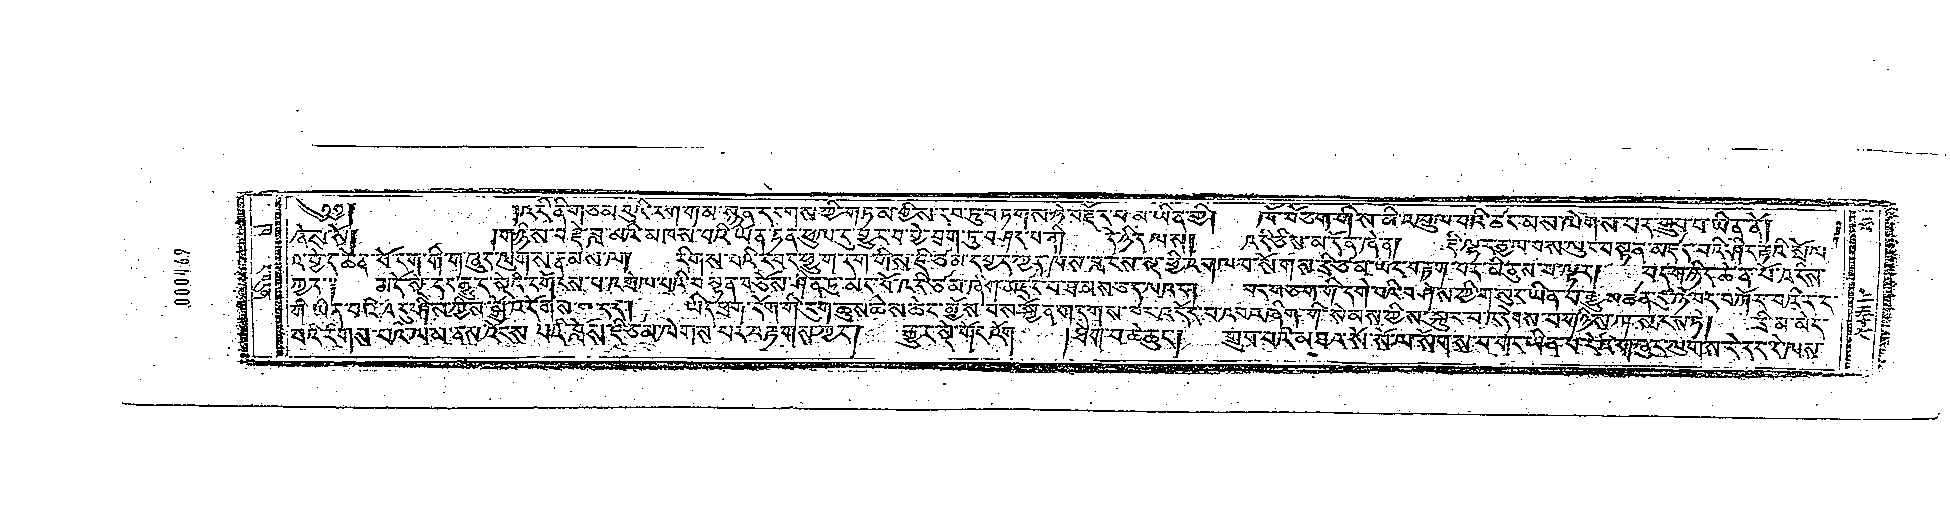༄༅། །འདི་ནི་གཅམ་བུའི་ངག་གམ་སྙན་དངགས་ཀྱི་གཏམ་གྱིས་རབ་ཏུ་བཏགས་ཉེ་བརྗོད་པ་མ་ཡིན་གྱི། ཁོ་བོ་ཅག་གིས་མི་འཁྲུལ་བའི་ཚང་མས་ལེགས་པར་གྲུབ་པ་ཡིན་ནོ། །
ཞེས་སོ། །གཉིས་པ་རྗེ་བླ་མའི་མཁས་པའི་ཡོན་ཏན་ཕུལ་དུ་བྱུང་བ་བྱེ་བྲག་ཏུ་བཤད་པ་ནི། དེ་ཉིད་ལས། འདི་ཅིས་མདོན་ཞེ་ན། ཇི་ལྟར་རྒྱལ་བས་ལུང་བསྟན་མཛད་བའི་ཤིང་རྟའི་སྲོལ་
འབྱེད་ཆེན་པོ་ངག་གི་གཞུང་ལུགས་རྣམས་ལ། རིགས་པའི་དབང་ཕྱུག་ངག་གིས་ཇི་ཙམ་དཔྱད་ཀྱང་ཁས་བླངས་སྔ་ཕྱི་འགལ་བ་སོགས་དྲི་ཙམ་ཡང་བརྟག་པར་མི་ནུས་པ་ལྟར། བདག་ཉིད་ཆེན་པོ་འདིས་
ཀྱང༑ མདོ་སྡེ་དང་རྒྱུད་སྡེའི་དགོངས་པ་འགྲེལ་པའི་བསྟན་བཅོས་ཤིན་ཏུ་མང་པོ་འདི་ཙམ་ཞིག་མཛད་པ་ཐམས་ཅད་ལའང་། བདག་ཅག་གི་དགེ་བའི་བཤེས་ཀྱི་གསུང་ཡིན་པ་རྒྱུ་མཚན་དུ་ཉེ་བར་བཀོད་བའི་རང་
གི་ཡིན་པའི་འདུ་ཤེས་ཀྱིས་སྒྲོ་འདོགས་བ?་དང་། ཡིད་ཕྲོག་དོག་གི་དྲུག་ཆུས་ཆེས་ཆེར་མྱོས་པས་སྐྱོན་གདགས་པར་འདོད་པ་འབའ་ཞིག་གི་སེམས་ཀྱིས་སྐུར་བ་འདེབས་པ་གཉིས་ཀ་སྤངས་ཏེ། དྲི་མ་མེད་
བའི་རིགས་པའི་ལམ་ནས་འོངས་པའི་བློས་ཇི་ཙམ་ལེགས་པར་བརྟགས་ཀྱང་། རྒྱུད་སྡེ་གོང་འོག །ཐེག་པ་ཆེ་ཆུང་། གྲུབ་པའི་མཐའ་སོ་སོ་ལ་སོགས་བ་གང་ཡིན་པ་དེའི་གཞུང་ལུགས་དེ་དང་དེ་ལས་